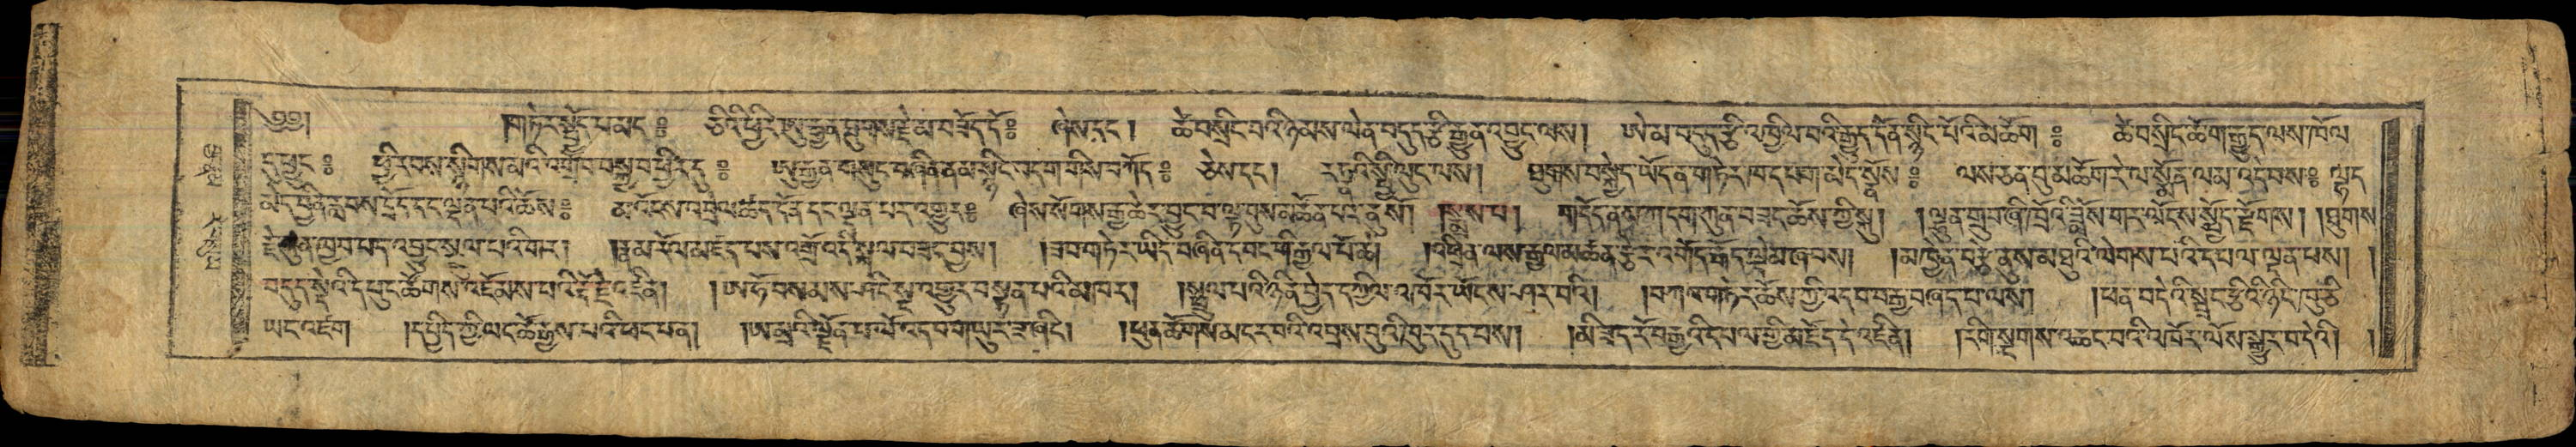༄༅། །གཏེར་སྤྱོད་པ་མངཿ་ཅིའི་ཕྱིར་ཨུ་རྒྱན་ཐུགས་རྗེ་མ་བཟོད་དོཿ་ཞེས་དང་། ཚེ་བསྲིང་བའི་ཉམས་ལེན་བདུད་རྩི་རྒྱུན་འབྱུང་ལས། ཨེ་མ་བདུད་རྩི་འཁྱིལ་བའི་རྒྱུད་དོན་སྙིང་པོའི་མཆོགཿ་ཚེ་བསྲིང་ཆོ་ག་རྒྱུད་ལས་ཁོལ་
དུ་ཕྱུངཿ་ཕྱི་རབས་སྙིགས་མའི་འགྲོ་བ་བསྐྱབ་ཕྱིར་དུཿ་ཨུ་རྒྱན་གསུང་བཞིན་ནམ་སྙིང་བདག་གིས་བཀོདཿ་ཅེས་དང་། རཏྣའི་སྤྱི་ལུང་ལས། ཐུགས་བསྐྱེད་ཡོད་ན་གཏེར་ཁ་དཔག་མེད་སྣོསཿ་ལས་ཅན་བུ་མཆོག་རེ་ལ་སྨོན་ལམ་འདེབསཿ་ལྷད་
མེད་བྱིན་རླབས་དྲོད་དང་ལྡན་པའི་ཆོསཿ་མ་འོངས་འབྲེལ་ཚད་དོན་དང་ལྡན་པར་འགྱུརཿ་ཞེས་སོགས་རྒྱ་ཆེར་བྱུང་བ་ལྟ་བུས་མཚོན་པར་ནུ་སོ། །སྨྲས་པ། གདོད་ནས་ཀ་དག་ཀུན་བཟང་ཆོས་ཀྱི་སྐུ། །ལྷུན་གྲུབ་ཞི་ཁྲོའི་ཟློས་གར་ལོངས་སྤྱོད་རྫོགས། །ཐུགས་
རྗེ་ཀུན་ཁྱབ་པད་འབྱུང་སྤྲུལ་པའི་གར། །རྣམ་རོལ་མཛད་པས་འགྲོ་འདི་སྐལ་བཟང་བྱས། །ཟབ་གཏེར་ཡིད་བཞིན་དབང་གི་རྒྱལ་པོ་ཆེ། །འཕྲིན་ལས་རྒྱལ་མཚན་རྩེར་འགོད་རྒོད་ལྡེམ་ཞབས། །མཁྱེན་བརྩེ་ནུས་མཐུའི་ལེགས་པའི་དཔལ་ལྡན་པས། །
བདུད་སྡེའི་དཔུང་ཚོགས་འཇོམས་པའི་རྡོ་རྗེ་འཛིན། །ཨ་ཧོ་བསམས་ཤིང་སྔ་འགྱུར་བསྟན་པའི་མཁར། །སྤྲུལ་པའི་ཉིན་བྱད་དཀྱིལ་འཁོར་ཡོངས་ཤར་བའི། །བཀའ་གཏེར་ཆོས་ཀྱི་འདབ་བརྒྱ་བཞད་པ་ལས། །ཕན་བདེའི་སྦྲང་རྩིའི་ཉིང་ཁུ་ཅི་
ཡང་འཛག །དཔྱིད་ཀྱི་ལང་ཚོ་རྒྱས་པའི་ཕང་པ་ན། །ཨ་མྲྗའི་ལྗོན་པ་ལོ་འདབ་གཡུར་ཟ་ཞིང་། །ཕུན་ཚོགས་མངར་བའི་འབྲས་བུའི་ཁུར་དུད་པས། །མི་ཟད་རོ་བརྒྱའི་དཔལ་གྱི་མཛོད་དེ་འཛིན། །རིག་སྔགས་འཆང་བའི་འཁོར་ལོས་སྒྱུར་བ་དེའི་